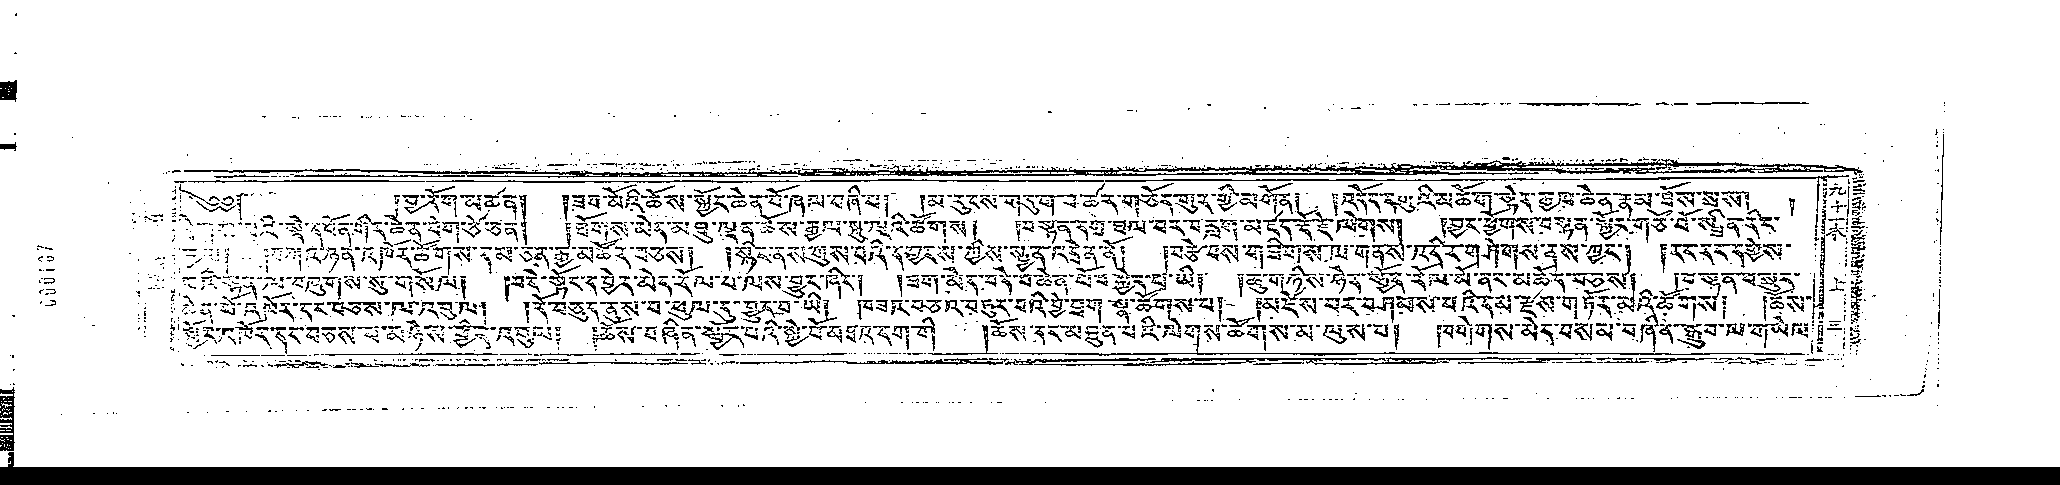༄༅། །བྱ་རོག་མཚན། །ཟབ་མོའི་ཆོས་སྐྱོང་ཆེན་པོ་ཞལ་བཞི་པ། །མ་རུངས་གདུག་པ་ཚར་གཅོད་གུར་གྱི་མགོན། འདོད་དགུའི་མཆོག་སྟེར་རྒྱལ་ཆེན་རྣམ་ཐོས་སྲས། །
དྲེགས་པའི་སྡེ་དཔོན་གིང་ཆེན་བེག་ཅེ་ཅན། །ཐོགས་མེད་མཐུ་ལྡན་ཆོས་རྒྱལ་སྐུ་ལྔའི་ཚོགས། །བསྟན་དགྲ་ཐལ་བར་བརླག་མཛད་རྡོ་རྗེ་ལེགས། །བྱང་ཕྱོགས་བསྟན་སྐྱོང་གཙོ་བོ་སྤྲིན་རིང་
རྒྱལ། །བཀའ་ཉན་འཁོར་ཚོགས་དམ་ཅན་རྒྱ་མཚོར་བཅས། །སྙིང་ནས་གུས་པའི་དབྱངས་ཀྱིས་སྤྱན་འདྲེན་ནི། །བརྩེ་བས་གཟིགས་ལ་གནས་འདིར་གཤེགས་ནས་ཀྱང་། །རང་རང་དགྱེས་
པའི་སྟན་ལ་བཞུགས་སུ་གསོལ། །བདེ་སྟོང་དབྱེར་མེད་རོལ་བ་ལས་བྱུང་ཞིང་། །ཟག་མེད་བདེ་བ་ཆེན་པོ་བསྐྱེད་པ་ཡི། །ཆུ་གཉིས་ཉེར་སྤྱོད་རོལ་མོ་ནང་མཆོད་བཅས། །བསྟན་བསྲུང་
ཆེན་པོ་འཁོར་དང་བཅས་ལ་འབུལ། །རོ་བཅུད་ནུས་པ་ཕུལ་དུ་བྱུང་བ་ཡི། །བཟའ་བཅའ་བཏུང་བའི་བྱེ་བྲག་སྣ་ཚོགས་པ། །མཛེས་པར་བཤམས་པའི་དམ་རྫས་གཏོར་མའི་ཚོགས། །ཆོས་
སྐྱོང་འཁོར་དང་བཅས་པ་མཉེས་ཕྱིར་འབུལ། །ཆོས་བཞིན་སྤྱོད་པའི་སྐྱེ་བོ་མཐའ་དག་གི །ཆོས་དང་མཐུན་པའི་ལེགས་ཚོགས་མ་ལུས་པ། །བགེགས་མེད་བསམ་བཞིན་སྒྲུབ་ལ་གཡེལ་